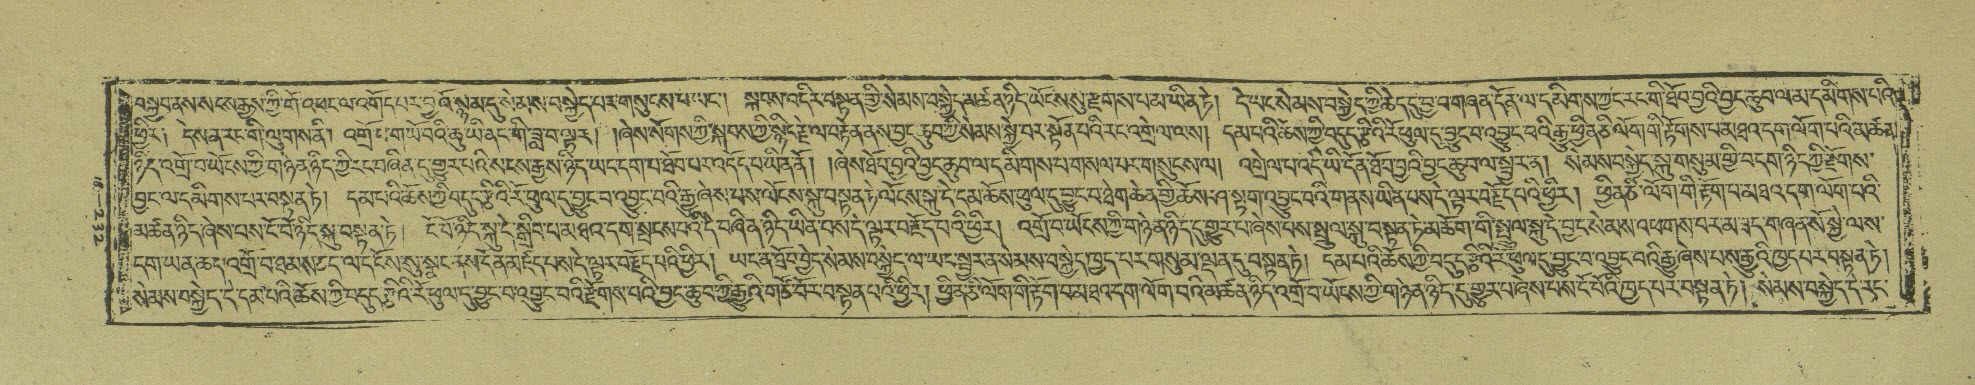བསྐྱབ་ནས་སངས་རྒྱས་ཀྱི་གོ་འཕང་ལ་འགོད་པར་བྱའོ་སྙམ་དུ་སེམས་བསྐྱེད་པར་གསུངས་པ་ཡང་། སྐབས་འདིར་བསྟན་གྱི་སེམས་བསྐྱེད་མཚན་ཉིད་ཡོངས་སུ་རྫོགས་པ་མ་ཡིན་ཏེ། དེ་ཡང་སེམས་བསྐྱེད་ཀྱི་ཆེད་དུ་བྱ་བ་གཞན་དོན་ལ་དམིགས་ཀྱང་རང་གི་ཐོབ་བྱའི་བྱང་ཆུབ་ལ་མ་དམིགས་པའི་
ཕྱིར། དེས་ན་རང་གི་ལུགས་ནི། འགྲོ་བ་གཡོ་བའི་ཆུ་ཡི་ནང་གི་ཟླ་བ་ལྟར། །ཞེས་སོགས་ཀྱི་སྐབས་ཀྱི་སྙིང་རྗེ་ལ་བརྟེན་ནས་བྱང་ཆུབ་ཀྱི་སེམས་སྐྱེ་བར་སྟོན་པའི་རང་འགྲེལ་ལས། དམ་པའི་ཆོས་ཀྱི་བདུད་རྩིའི་རོ་ཕུལ་དུ་བྱུང་བ་འབྱུང་བའི་རྒྱུ་ཕྱིན་ཅི་ལོག་གི་རྟོགས་པ་མཐའ་དག་ལོག་པའི་མཚན་
ཉིད་འགྲོ་བ་ཡོངས་ཀྱི་གཉེན་ཉིད་ཀྱི་རང་བཞིན་དུ་གྱུར་བའི་སངས་རྒྱས་ཉིད་ཡང་དག་པ་ཐོབ་པར་འདོད་པ་ཡིན་ནོ། །ཞེས་ཐོབ་བྱའི་བྱང་ཆུབ་ལ་དམིགས་པ་གསལ་བར་གསུངས་ལ། འགྲེལ་བ་འདི་ཡི་དོན་ཐོབ་བྱའི་བྱང་ཆུབ་ལ་སྦྱར་ན། སེམས་བསྐྱེད་སྐུ་གསུམ་གྱི་བདག་ཉིད་ཀྱི་རྫོགས་
བྱང་ལ་དམིགས་པར་བསྟན་ཏེ། དམ་པའི་ཆོས་ཀྱི་བདུད་རྩིའི་རོ་ཕུལ་དུ་བྱུང་བའི་རྒྱུ་ཞེས་པས་ལོངས་སྐུ་བསྟན་ཏེ་ལོངས་སྐུ་དེ་དམ་ཆོས་ཕུལ་དུ་བྱུང་བ་ཐེག་ཆེན་གྱི་ཆོས་ཤ་སྙག་འབྱུང་བའི་གནས་ཡིན་པས་དེ་ལྟར་བརྗོད་པའི་ཕྱིར། ཕྱིན་ཅི་ལོག་གི་རྟོག་པ་མཐའ་དག་ལོག་པའི་
མཚན་ཉིད་ཞེས་པས་ངོ་བོ་ཉིད་སྐུ་བསྟན་ཏེ། ངོ་བོ་ཉིད་སྐུ་དེ་སྒྲིབ་པ་མཐའ་དག་སྤངས་པའི་དེ་བཞིན་ཉིད་ཡིན་པས་དེ་ལྟར་བརྗོད་པའི་ཕྱིར། འགྲོ་བ་ཡོངས་ཀྱི་གཉེན་ཉིད་དུ་གྱུར་བ་ཞེས་པས་སྤྲུལ་སྐུ་བསྟན་ཏེ་མཆོག་གི་སྤྲུལ་སྐུ་དེ་བྱང་སེམས་འཕགས་པར་མ་ཟད་གཞན་སོ་སྐྱེ་ལས་
དག་ཡན་ཆད་འགྲོ་བ་ཐམས་ཅད་ལ་དངོས་སུ་སྣང་ནས་དོན་མཛད་པས་དེ་ལྟར་བརྗོད་པའི་ཕྱིར། ཡང་ན་ཐོབ་བྱེད་སེམས་བསྐྱེད་ལ་ཡང་སྦྱར་ན་སེམས་བསྐྱེད་ཁྱད་པར་གསུམ་ལྡན་དུ་བསྟན་ཏེ། དམ་པའི་ཆོས་ཀྱི་བདུད་རྩིའི་རོ་ཕུལ་དུ་བྱུང་བ་འབྱུང་བའི་རྒྱུ་ཞེས་པས་རྒྱུའི་ཁྱད་པར་བསྟན་ཏེ།
སེམས་བསྐྱེད་དེ་དམ་པའི་ཆོས་ཀྱི་བདུད་རྩིའི་རོ་ཕུལ་དུ་བྱུང་བ་འབྱུང་བའི་རྫོགས་པའི་བྱང་ཆུབ་ཀྱི་རྒྱུའི་གཙོ་བོར་བསྟན་པའི་ཕྱིར། ཕྱིན་ཅི་ལོག་གི་རྟོག་པ་མཐའ་དག་ལོག་པའི་མཚན་ཉིད་འགྲོ་བ་ཡོངས་ཀྱི་གཉེན་ཉིད་དུ་གྱུར་བ་ཞེས་པས་ངོ་བོའི་ཁྱད་པར་བསྟན་ཏེ། སེམས་བསྐྱེད་དེ་རང་